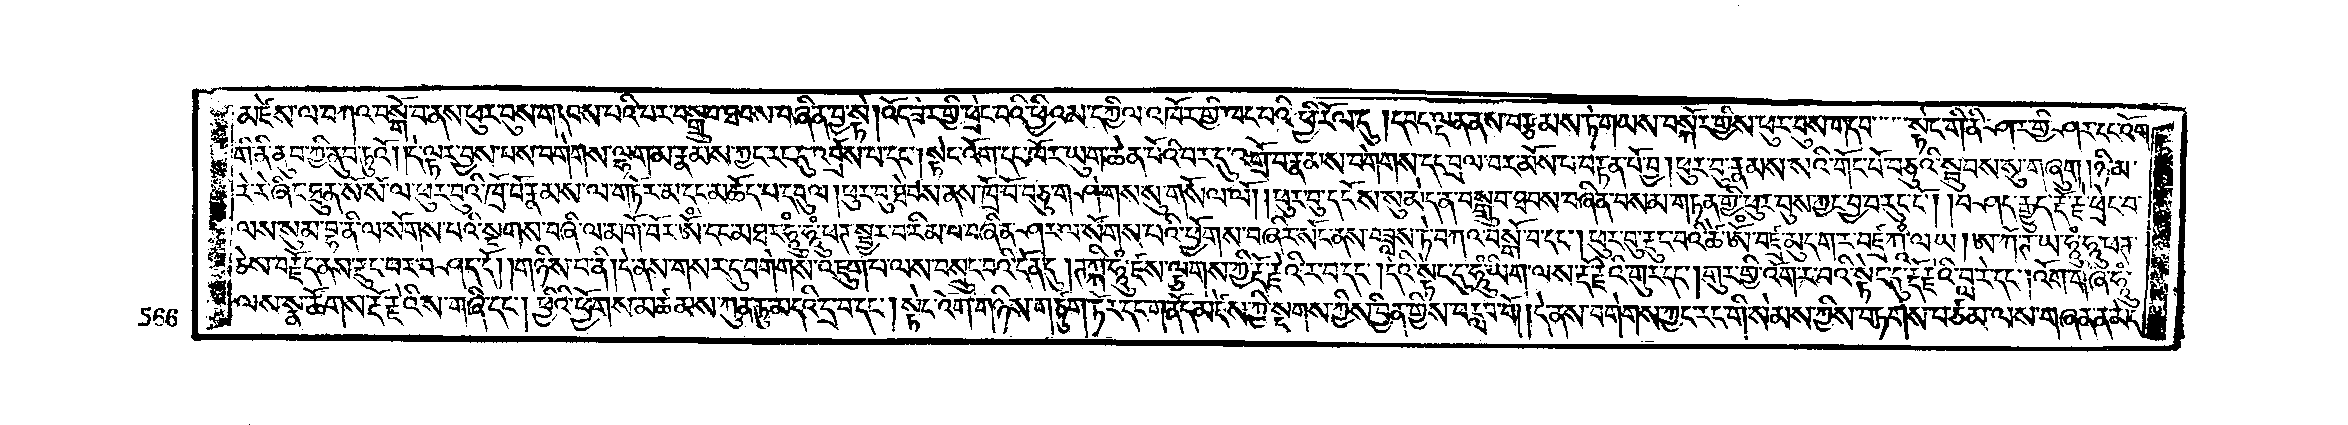མཛེས་ལ་བཀའ་བསྒོ་བ་ནས་ཕུར་བུས་གདབས་པའི་བར་བསྒྲུབ་ཐབས་བཞིན་བྱ་སྟེ། འོད་ཟེར་གྱི་ཕྲེང་བའི་ཕྱིའམ་དཀྱིལ་འཁོར་གྱི་ཁང་པའི་ཕྱི་རོལ་དུ། དབང་ལྡན་ནས་བརྩམས་ཏེ་གཡས་བསྐོར་གྱིས་ཕུར་བུས་གདབ་སྟེང་གི་ནི་ཤར་གྱི་ཤར་དང་འོག་
གི་ནི་ནུབ་ཀྱི་ནུབ་ཏུའོ། །དེ་ལྟར་བྱས་པས་བགེགས་ལྷག་མ་རྣམས་ཀྱང་རང་དུ་འབྲོས་པ་དང་། སྟེང་འོག་དང་ཁོར་ཡུག་ཆེན་པོའི་བར་དུ་འགྲོ་བ་རྣམས་བགེགས་དང་བྲལ་བར་མོས་པ་བརྟན་པོ་བྱ། ཕུར་བུ་རྣམས་སའི་གོང་པོ་བཅུའི་སྦུབས་སུ་གཞུག །ཉི་མ་
རེ་རེ་ཞིང་ཐུན་སོ་སོ་ལ་ཕུར་བུའི་ཁྲོ་བོ་རྣམས་ལ་གཏོར་མ་དང་མཆོད་པ་དབུལ། ཕུར་བུ་ཐེབས་ནས་ཁྲོ་བོ་བཅུ་གཤེགས་སུ་གསོལ་ལོ། །ཕུར་བུ་དངོས་སུ་མེད་ན་བསྒྲུབ་ཐབས་བཞིན་བསམ་གཏན་གྱི་ཕུར་བུས་ཀྱང་བྱ་བ་རུང་ངོ། །བཤད་རྒྱུད་རྡོ་རྗེ་ཕྲེང་བ་
ལས་སུམ་བྷ་ནི་ལ་སོགས་པའི་སྔགས་བཞི་ལ་མགོ་བོར་ཨོཾ་དང་མཐར་ཧཱུཾ་ཧཱུཾ་ཕཊ་སྦྱར་བ་རིམ་པ་བཞིན་ཤར་ལ་སོགས་པའི་ཕྱོགས་བཞིར་སོང་ནས་བཟླས་ཏེ་བཀའ་བསྒོ་བ་དང་། ཕུར་བུ་རྡུང་བའི་ཚེ་ཨོཾ་བཛྲ་མུད་ག་ར་བཛྲ་ཀཱི་ལ་ཡ། ཨ་ཀོ་ཊ་ཡ་ཧཱུཾ་ཧཱུཾ་ཕཊ་
ཅེས་བརྗོད་ནས་རྡུང་བར་བཤད་དོ། །གཉིས་པ་ནི། དེ་ནས་གསར་དུ་བགེགས་འཇུག་པ་ལས་བསྲུང་བའི་དོན་དུ། ཊཀྐི་ཧཱུཾ་ཛས་ལྕགས་ཀྱི་རྡོ་རྗེའི་ར་བ་དང་། དེའི་སྟེང་དུ་ཧཱུཾ་ཡིག་ལས་རྡོ་རྗེའི་གུར་དང་། གུར་གྱི་འོག་ར་བའི་སྟེང་དུ་རྡོ་རྗེའི་བླ་རེ་དང་། འོག་གི་ཞི་ཧཱུཾ་
ལས་སྣ་ཚོགས་རྡོ་རྗེའི་ས་གཞི་དང་། ཕྱིའི་ཕྱོགས་མཚམས་ཀུན་ཏུ་མདའི་དྲ་བ་དང་། སྟེང་འོག་གཉིས་གཙུག་ཏོར་དང་གནོད་མཛེས་ཀྱི་སྔགས་ཀྱིས་བྱིན་གྱིས་བརླབ་བོ། །དེ་ནས་བགེགས་ཀྱང་རང་གི་སེམས་ཀྱིས་བཏགས་པ་ཙམ་ལས་གཞན་ན་མེད་